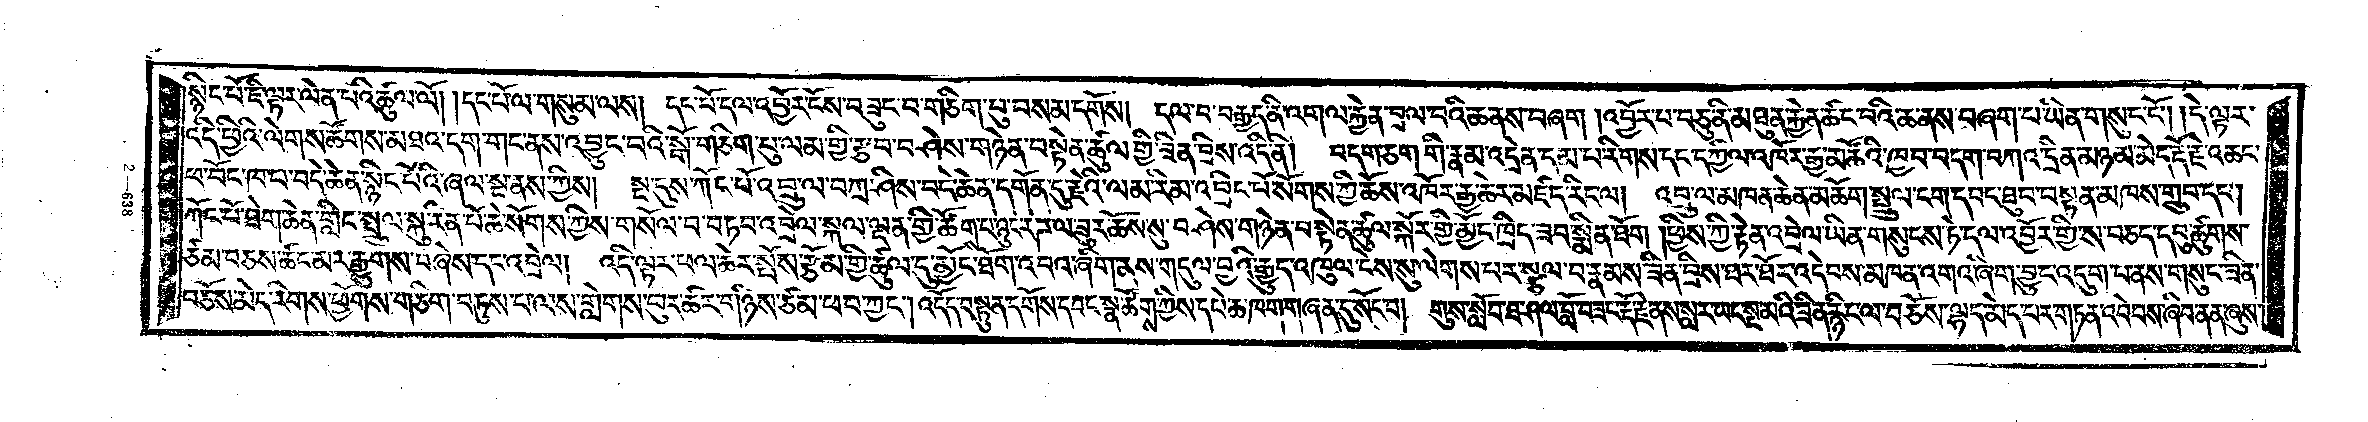སྙིང་པོ་ཇི་ལྟར་ལེན་པའི་ཚུལ་ལོ། །དང་པོ་ལ་གསུམ་ལས། དང་པོ་དལ་འབྱོར་ངོས་བཟུང་བ་གཅིག་པུ་བསམ་དགོས། དལ་བ་བརྒྱད་ནི་འགལ་རྐྱེན་བྲལ་བའི་ཆ་ནས་བཞག །འབྱོར་པ་བཅུ་ནི་མཐུན་རྐྱེན་ཚང་བའི་ཆ་ནས་བཞག་པ་ཡིན་གསུང་ངོ། །དེ་ལྟར་
འདི་ཕྱིའི་ལེགས་ཚོགས་མཐའ་དག་གང་ནས་འབྱུང་བའི་སྒོ་གཅིག་པུ་ལམ་གྱི་རྩབ་བཤེས་གཉེན་བསྟེན་ཚུལ་གྱི་ཟིན་བྲིས་འདི་ནི། བདག་ཅག་གི་རྣམ་འདྲེན་དམ་པ་རིགས་དང་དཀྱིལ་འཁོར་རྒྱ་མཚོའི་ཁྱབ་བདག་བཀའ་དྲིན་མཉམ་མེད་རྡོ་རྗེ་འཆང་
ཕ་བོང་ཁ་པ་བདེ་ཆེན་སྙིང་པོའི་ཞལ་སྔ་ནས་ཀྱིས། སྔ་དུས་ཀོང་པོ་འབྲུལ་ལ་བཀྲ་ཤིས་བདེ་ཆེན་དགོན་དུ་རྗེའི་ལམ་རིམ་འབྲིང་པོ་སོགས་ཀྱི་ཆོས་འཁོར་རྒྱ་ཆེར་མཛད་རིང་ལ། འབྲུ་ལ་མཁན་ཆེན་མཆོག་སྤྲུལ་ངག་དབང་ཐུབ་བསྟན་མཁས་གྲུབ་དང་།
ཀོང་པོ་ཐེག་ཆེན་གླིང་སྤྲུལ་སྐུ་རིན་པོ་ཆེ་སོགས་ཀྱིས་གསོལ་བ་བཏབ་འབྲེལ་སྐལ་ལྡན་གྱི་ཚོག་པ་ཉུང་རཌ་ལ་ཟུར་ཆོས་སུ་བཤེས་གཉེན་བསྟེན་ཚུལ་སྐོར་གྱི་མྱོང་ཁྲིད་ཟབ་སྨིན་ཐོག །ཕྱིས་ཀྱི་རྟེན་འབྲེལ་ཡིན་གསུངས་ཏེ་དལ་འབྱོར་གྱི་ས་བཅད་དབུ་ཚུགས་
ཙམ་བཅས་ཚང་མས་རྒྱུགས་བཞེས་དང་འབྲེལ། །འདི་ལྟར་ཕལ་ཆེར་སྤོས་རྩོམ་གྱི་ཚུལ་དུ་མྱོང་ཐོག་འབའ་ཞིག་ནས་གདུལ་བྱའི་རྒྱུད་འཁུལ་ངེས་སུ་ལེགས་པར་སྩལ་བ་རྣམས་ཟིན་བྲིས་ཐར་ཐོར་འདེབས་མཁན་འགའ་ཞིག་བྱུང་འདུག་པ་ནས་གསུང་ཟིན་
བཅོས་མེད་རིགས་ཕྱོགས་གཅིག་བཏུས་པ་ལས་གླེགས་བུར་ཚར་གཉིས་ཙམ་ཕབ་ཀྱང་། འདོད་བསྟུན་དགོས་དབང་སྣ་ཚོགས་ཀྱིས་དཔེ་ཆ་ཁག་གཞན་དུ་སོང་བ། གུས་སློབ་ཐ་ཤལ་བློ་བཟང་རྡོ་རྗེ་ནས་སླར་ཡང་སྔ་མའི་ཟིན་རྙིང་ལ་བཅོས་ལྷད་མེད་པར་གཏན་འབེབས་ཞིབ་ནན་ཞུས་